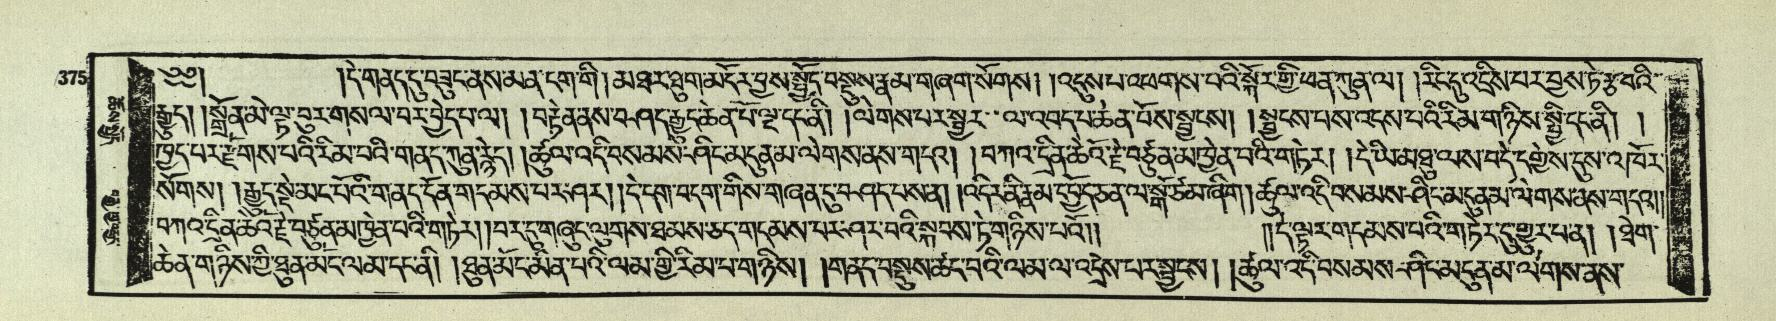༄༅། །དེ་གནད་དུ་བཟུང་ནས་མན་ངག་གི །མཐར་ཐུག་མདོར་བྱས་སྤྱོད་བསྡུས་རྣམ་གཞག་སོགས། །འདུས་པ་འཕགས་པའི་སྐོར་གྱི་ཕན་ཀུན་ལ། །རིང་དུ་འདྲིས་པར་བྱས་ཏེ་རྩ་བའི་
རྒྱུད། །སྒྲོན་མེ་ལྟ་བུར་གསལ་བར་བྱེད་པ་ལ། །བརྟེན་ནས་བཤད་རྒྱུད་ཆེན་པོ་ལྔ་དང་ནི། །ལེགས་པར་སྦྱར་ལ་འབད་པ་ཆེན་པོས་སྦྱངས། །སྦྱངས་པས་འདས་པའི་རིམ་གཉིས་སྤྱི་དང་ནི། །
ཁྱད་པར་རྫོགས་པའི་རིམ་པའི་གནད་ཀུན་རྙེད། །ཚུལ་འདི་བསམས་ཤིང་མདུན་མ་ལེགས་ནས་གདའ། །བཀའ་དྲིན་ཆེའོ་རྗེ་བཙུན་མཁྱེན་པའི་གཏེར། །དེ་ཡི་མཐུ་ལས་བདེ་དགྱེས་དུས་འཁོར་
སོགས། །རྒྱུད་སྡེ་མང་པོའི་གནད་དོན་གདམས་པར་ཤར། །དེ་དག་བདག་གིས་གཞན་དུ་བཤད་པས་ན། །འདིར་ནི་རྣམ་དཔྱོད་ཅན་ལ་སྒོ་ཙམ་ཞིག །ཚུལ་འདི་བསམས་ཤིང་མདུན་མ་ལེགས་ནས་གདའ།།
བཀའ་དྲིན་ཆེའོ་རྗེ་བཙུན་མཁྱེན་པའི་གཏེར། །བར་དུ་གཞུང་ལུགས་ཐམས་ཅད་གདམས་པར་ཤར་བའི་སྐབས་ཏེ་གཉིས་པའོ།། །།དེ་ལྟར་གདམས་པའི་གཏེར་དུ་གྱུར་པ་ན། །ཐེག་
ཆེན་གཉིས་ཀྱི་ཐུན་མོང་ལམ་དང་ནི། །ཐུན་མོང་མིན་པའི་ལམ་གྱི་རིམ་པ་གཉིས། །གནད་བསྡུས་ཚང་བའི་ལམ་ལ་འདྲེས་པར་སྦྱངས། །ཚུལ་འདི་བསམས་ཤིང་མདུན་མ་ལེགས་ནས་